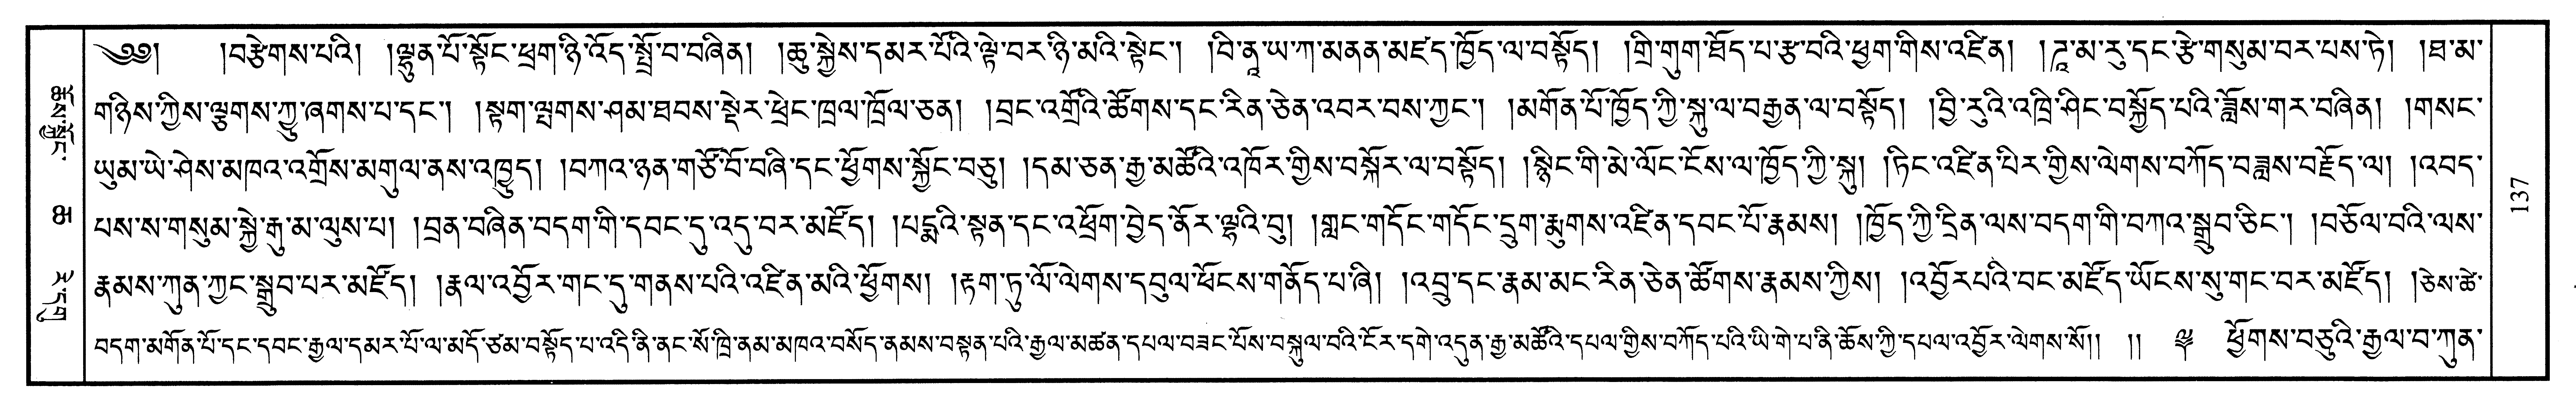༄༅། །བརྩེགས་པའི། །ལྷུན་པོ་སྟོང་ཕྲག་ཉི་འོད་སྤྲོ་བ་བཞིན། །ཆུ་སྐྱེས་དམར་པོའི་ལྟེ་བར་ཉི་མའི་སྟེང་། །བི་ནཱ་ཡ་ཀ་མནན་མཛད་ཁྱོད་ལ་བསྟོད། །གྲི་གུག་ཐོད་པ་རྩ་བའི་ཕྱག་གིས་འཛིན། །ཌཱ་མ་རུ་དང་རྩེ་གསུམ་བར་པས་ཏེ། །ཐ་མ་
གཉིས་ཀྱིས་ལྕགས་ཀྱུ་ཞགས་པ་དང་། །སྟག་ལྤགས་ཤམ་ཐབས་སྡེར་ཕྲེང་ཁྲལ་ཁྲོལ་ཅན། །བྲང་འགྲོའི་ཚོགས་དང་རིན་ཅེན་འབར་བས་ཀྱང་། །མགོན་པོ་ཁྱོད་ཀྱི་སྐུ་ལ་བརྒྱན་ལ་བསྟོད། །བྱི་རུའི་འཁྲི་ཤིང་བསྐྱོད་པའི་ཟློས་གར་བཞིན། །གསང་
ཡུམ་ཡེ་ཤེས་མཁའ་འགྲོས་མགུལ་ནས་འཁྱུད། །བཀའ་ཉན་གཙོ་བོ་བཞི་དང་ཕྱོགས་སྐྱོང་བཅུ། །དམ་ཅན་རྒྱ་མཚོའི་འཁོར་གྱིས་བསྐོར་ལ་བསྟོད། །སྙིང་གི་མེ་ལོང་ངོས་ལ་ཁྱོད་ཀྱི་སྐུ། །ཏིང་འཛིན་པིར་གྱིས་ལེགས་བཀོད་བཟླས་བརྗོད་ལ། །འབད་
པས་ས་གསུམ་སྐྱེ་རྒུ་མ་ལུས་པ། །བྲན་བཞིན་བདག་གི་དབང་དུ་འདུ་བར་མཛོད། །པདམའི་སྟན་དང་འཕྲོག་བྱེད་ནོར་ལྷའི་བུ། །གླང་གདོང་གདོང་དྲུག་རྨུགས་འཛིན་དབང་པོ་རྣམས། །ཁྱོད་ཀྱི་དྲིན་ལས་བདག་གི་བཀའ་སྒྲུབ་ཅིང་། །བཅོལ་བའི་ལས་
རྣམས་ཀུན་ཀྱང་སྒྲུབ་པར་མཛོད། །རྣལ་འབྱོར་གང་དུ་གནས་པའི་འཛིན་མའི་ཕྱོགས། །རྟག་ཏུ་ལོ་ལེགས་དབུལ་ཕོངས་གནོད་པ་ཞི། །འབྲུ་དང་རྣམ་མང་རིན་ཅེན་ཚོགས་རྣམས་ཀྱིས། །འབྱོར་པའི་བང་མཛོད་ཡོངས་སུ་གང་བར་མཛོད། །ཅེས་ཚེ་
བདག་མགོན་པོ་དང་དབང་རྒྱལ་དམར་པོ་ལ་མདོ་ཙམ་བསྟོད་པ་འདི་ནི་ནང་སོ་ཁྲི་ནམ་མཁའ་བསོད་ནམས་བསྟན་པའི་རྒྱལ་མཚན་དཔལ་བཟང་པོས་བསྐུལ་བའི་ངོར་དགེ་འདུན་རྒྱ་མཚོའི་དཔལ་གྱིས་བཀོད་པའི་ཡི་གེ་པ་ནི་ཆོས་ཀྱི་དཔལ་འབྱོར་ལེགས་སོ།། །། ༈ ཕྱོགས་བཅུའི་རྒྱལ་བ་ཀུན་